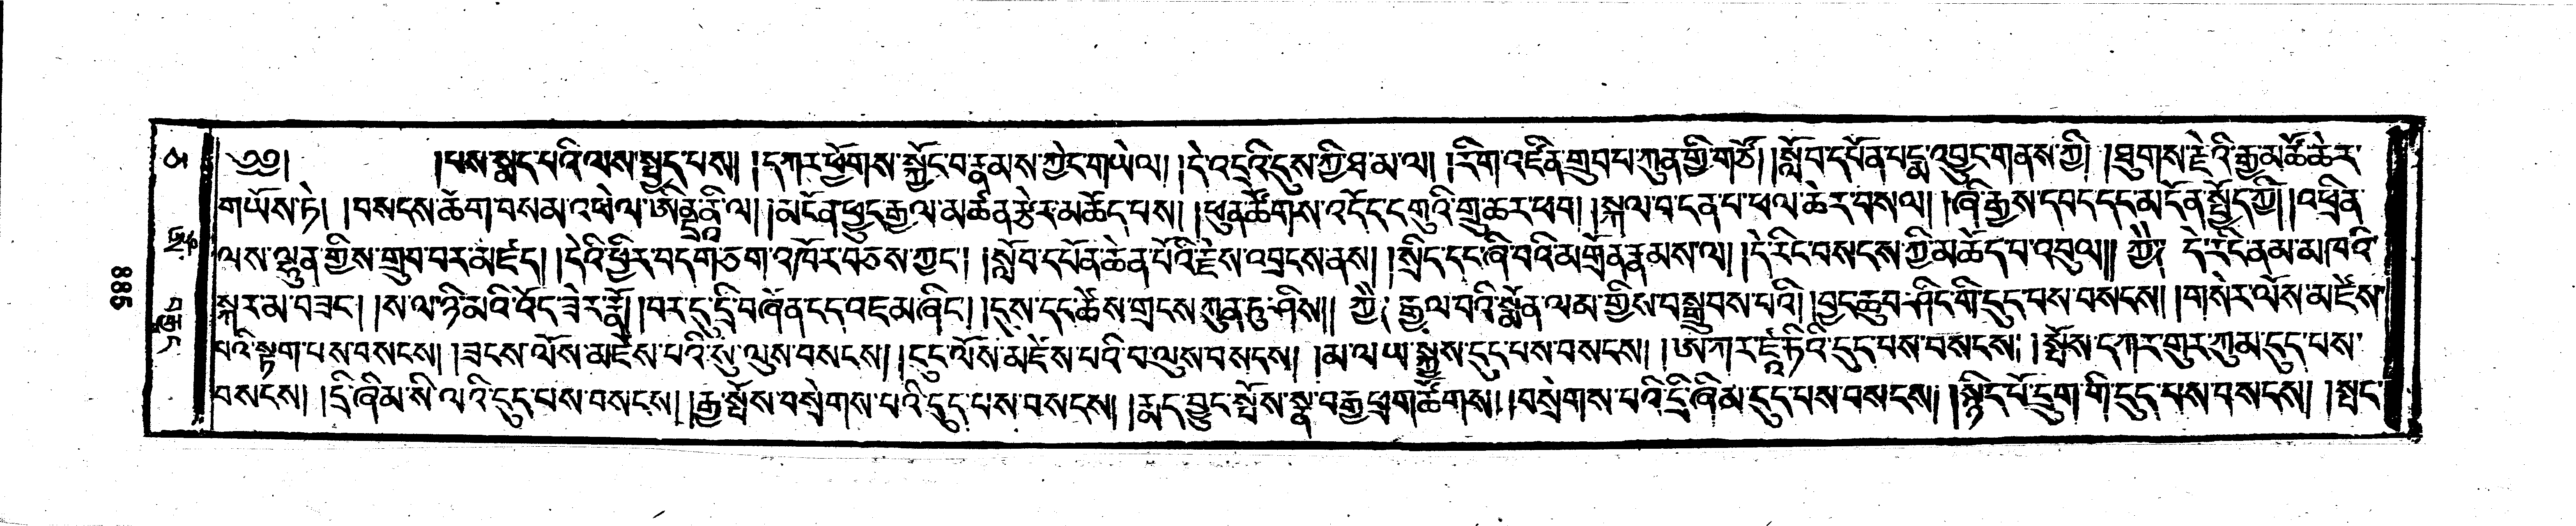༄༅། །པས་སྨད་པའི་ལས་སྤྱད་པས། །དཀར་ཕྱོགས་སྐྱོང་བ་རྣམས་ཀྱང་གཡེལ། །དེ་འདྲའི་དུས་ཀྱི་ཐ་མ་ལ། །རིག་འཛིན་གྲུབ་པ་ཀུན་གྱི་གཙོ། །སློབ་དཔོན་པདམ་འབྱུང་གནས་ཀྱི། །ཐུགས་རྗེའི་རྒྱ་མཚོ་ཆེར་
གཡོས་ཏེ། །བསངས་ཆོག་བསམ་འཕེལ་ཨིནྡྲ་ནཱི་ལ། །མངོན་ཕྱུང་རྒྱལ་མཚན་རྩེར་མཆོད་པས། །ཕུན་ཚོགས་འདོད་དགུའི་གྲུ་ཆར་ཕབ། །སྐལ་བ་ངན་པ་ཕལ་ཆེར་བསལ། །ཞི་རྒྱས་དབང་དང་མངོན་སྤྱོད་ཀྱི། །འཕྲིན་
ལས་ལྷུན་གྱིས་གྲུབ་པར་མཛད། །དེའི་ཕྱིར་བདག་ཅག་འཁོར་བཅས་ཀྱང་། །སློབ་དཔོན་ཆེན་པོའི་རྗེས་འབྲངས་ནས། །སྲིད་དང་ཞི་བའི་མགྲོན་རྣམས་ལ། །དེ་རིང་བསངས་ཀྱི་མཆོད་པ་འབུལ།། ཀྱཻ། དེ་རིང་ནམ་མཁའི་
སྐར་མ་བཟང་། །ས་ལ་ཉི་མའི་འོད་ཟེར་རྣོ། །བར་དུ་དྲི་བཞོན་ངད་འཇམ་ཞིང་། །དུས་དང་ཚེས་གྲངས་ཀུན་ཏུ་ཤིས།། ཀྱཻ། རྒྱལ་བའི་སྨོན་ལམ་གྱིས་བསྒྲུབས་པའི། །བྱང་ཆུབ་ཤིང་གི་དུད་པས་བསངས། །གསེར་ལོས་མཛེས་
པའི་རྟག་པས་བསངས། །ཟངས་ལོས་མཛེས་པའི་སུ་ལུས་བསངས། །དུང་ལོས་མཛེས་པའི་བ་ལུས་བསངས། །མ་ལ་ཡ་སྐྱེས་དུད་པས་བསངས། །ཨ་ཀར་ཛཱ་ཏིའི་དུད་པས་བསངས། །སྤོས་དཀར་གུར་ཀུམ་དུད་པས་
བསངས། །དྲི་ཞིམ་སི་ལའི་དུད་པས་བསངས། །རྒྱ་སྤོས་བསྲེགས་པའི་དུད་པས་བསངས། །རྨད་བྱུང་སྤོས་སྣ་བརྒྱ་ཕྲག་ཚོགས། །བསྲེགས་པའི་དྲི་ཞིམ་དུད་པས་བསངས། །སྙིང་པོ་དྲུག་གི་དུད་པས་བསངས། །སྤང་